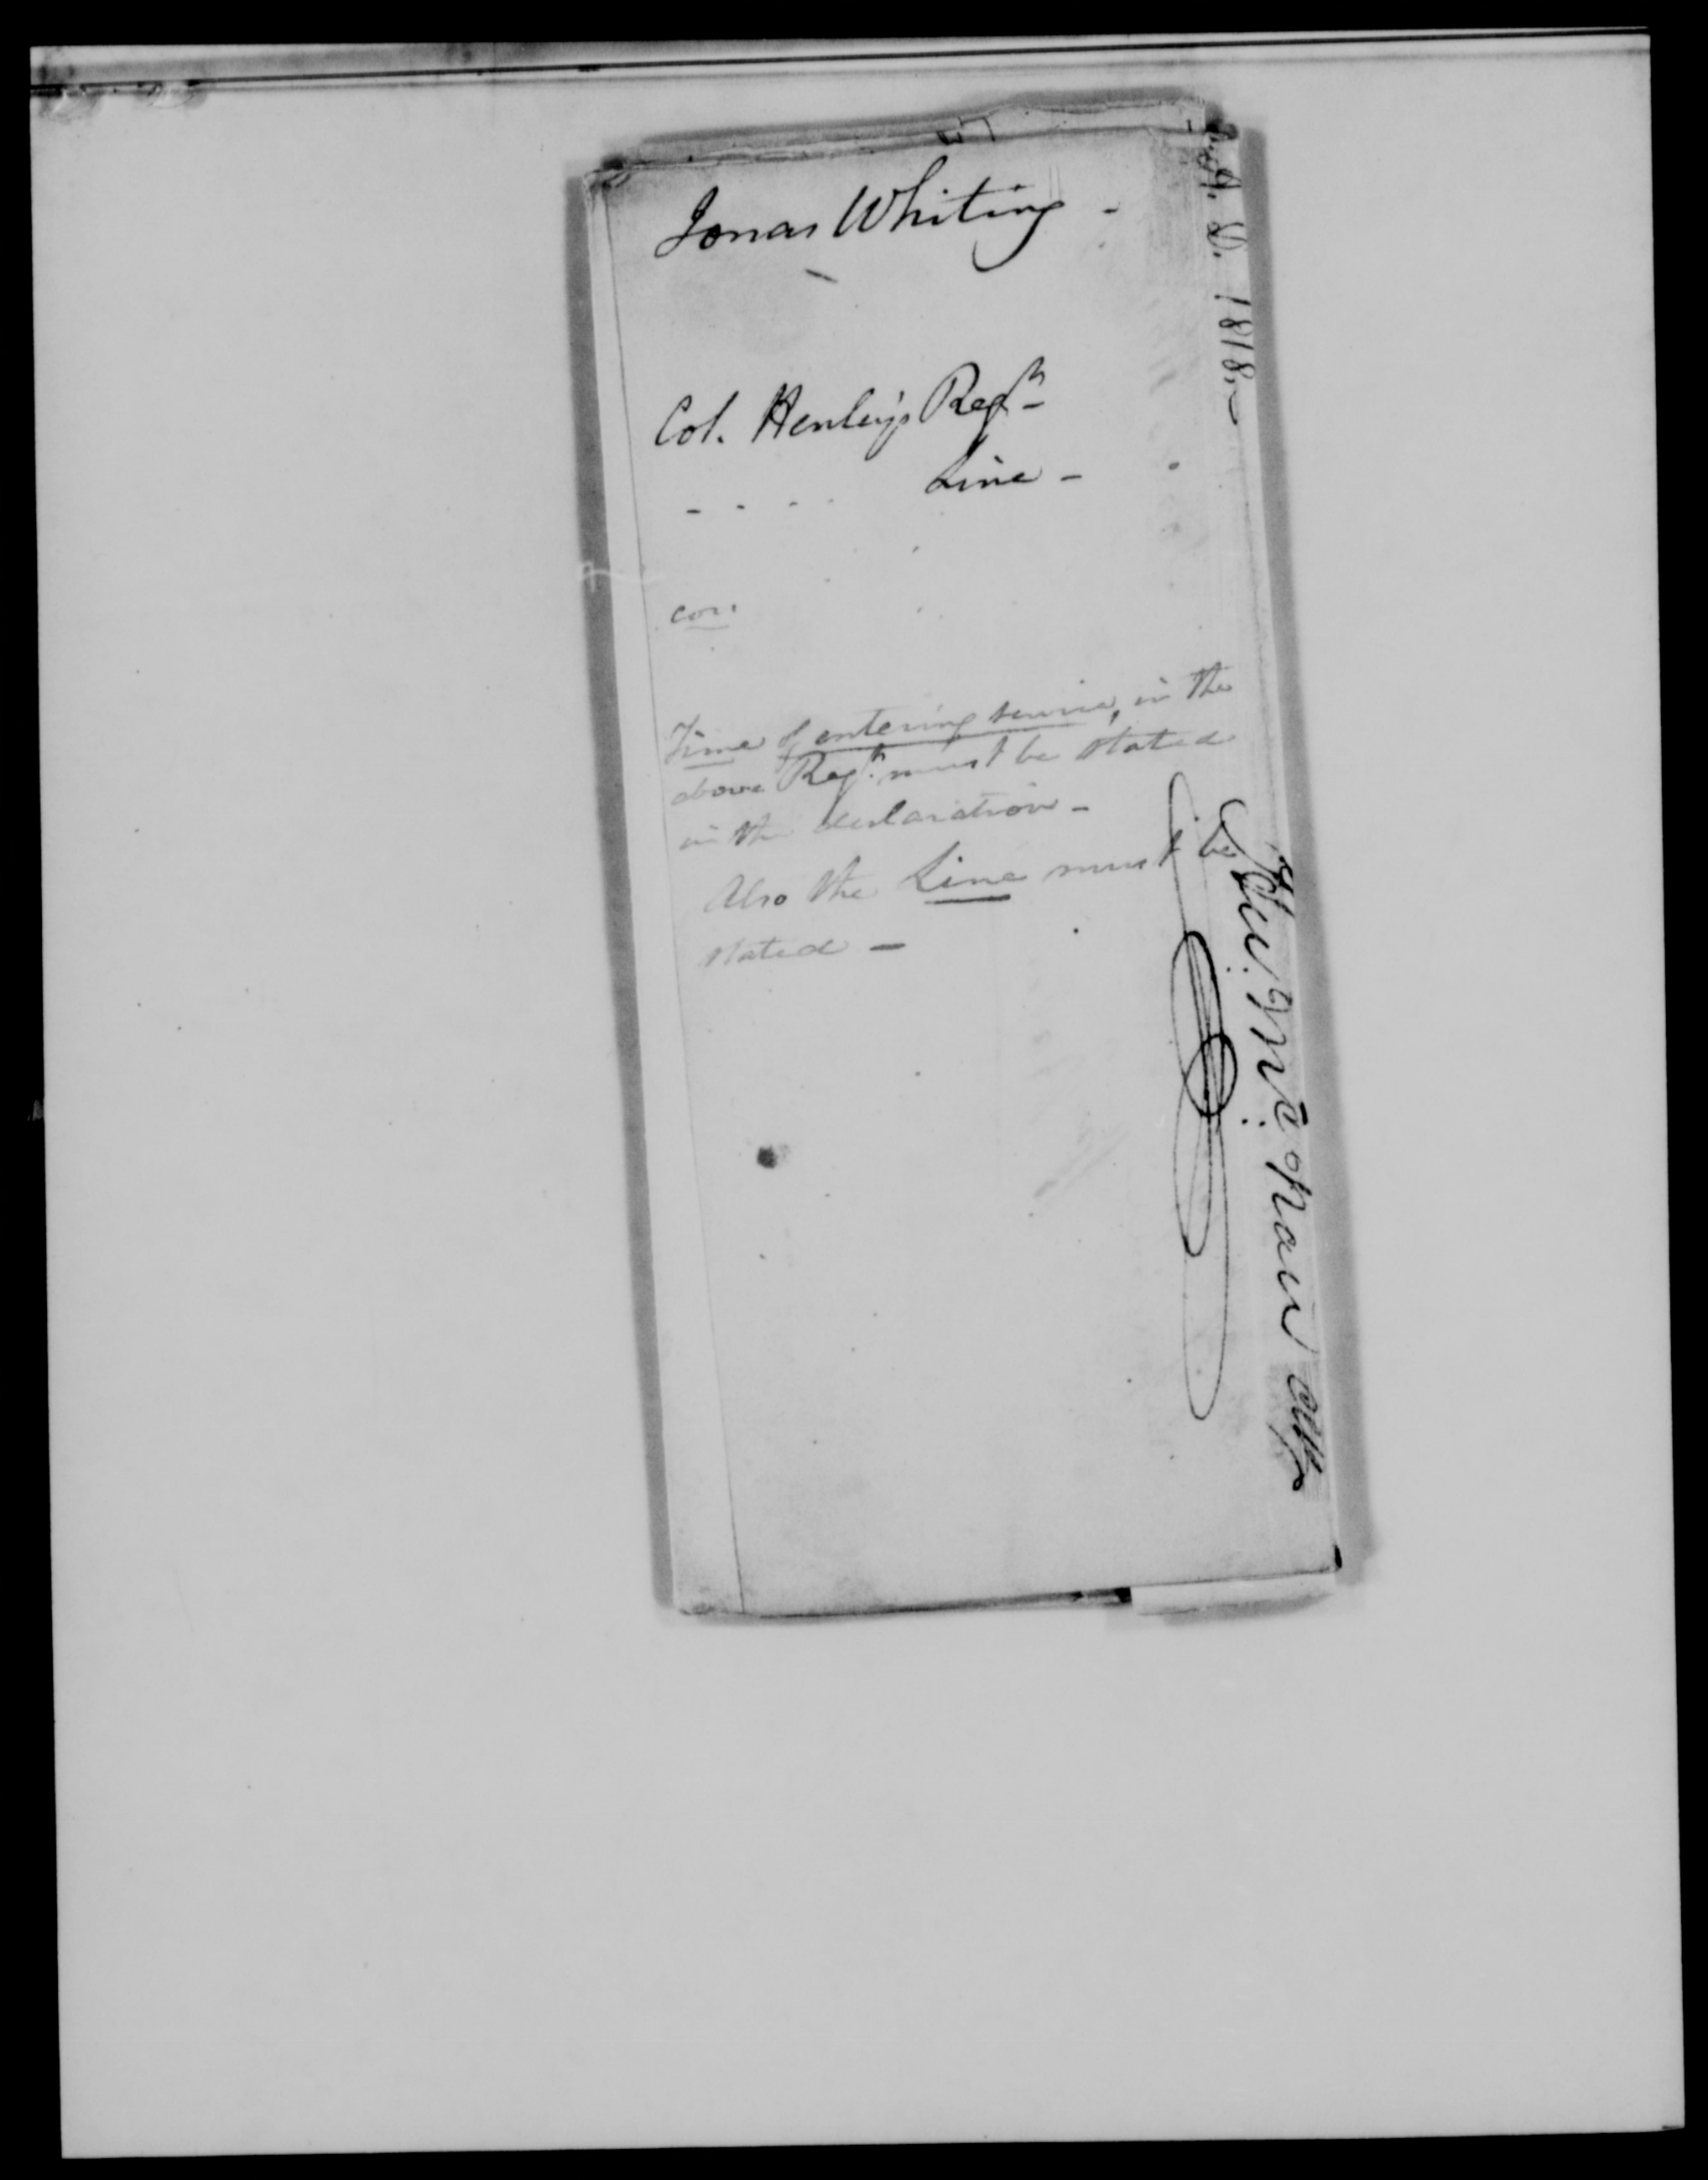Jonas Whiting
Col. Henley's Regt.
Line

Time of entering service in the above Regt. must be stated with declaration.
Also the Line must be stated

H.W. McNair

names: Jonas Whiting, Hu Mc Narr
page: 4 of 22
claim: survivor's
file: S. 43298, Jonas Whiting, Mass.